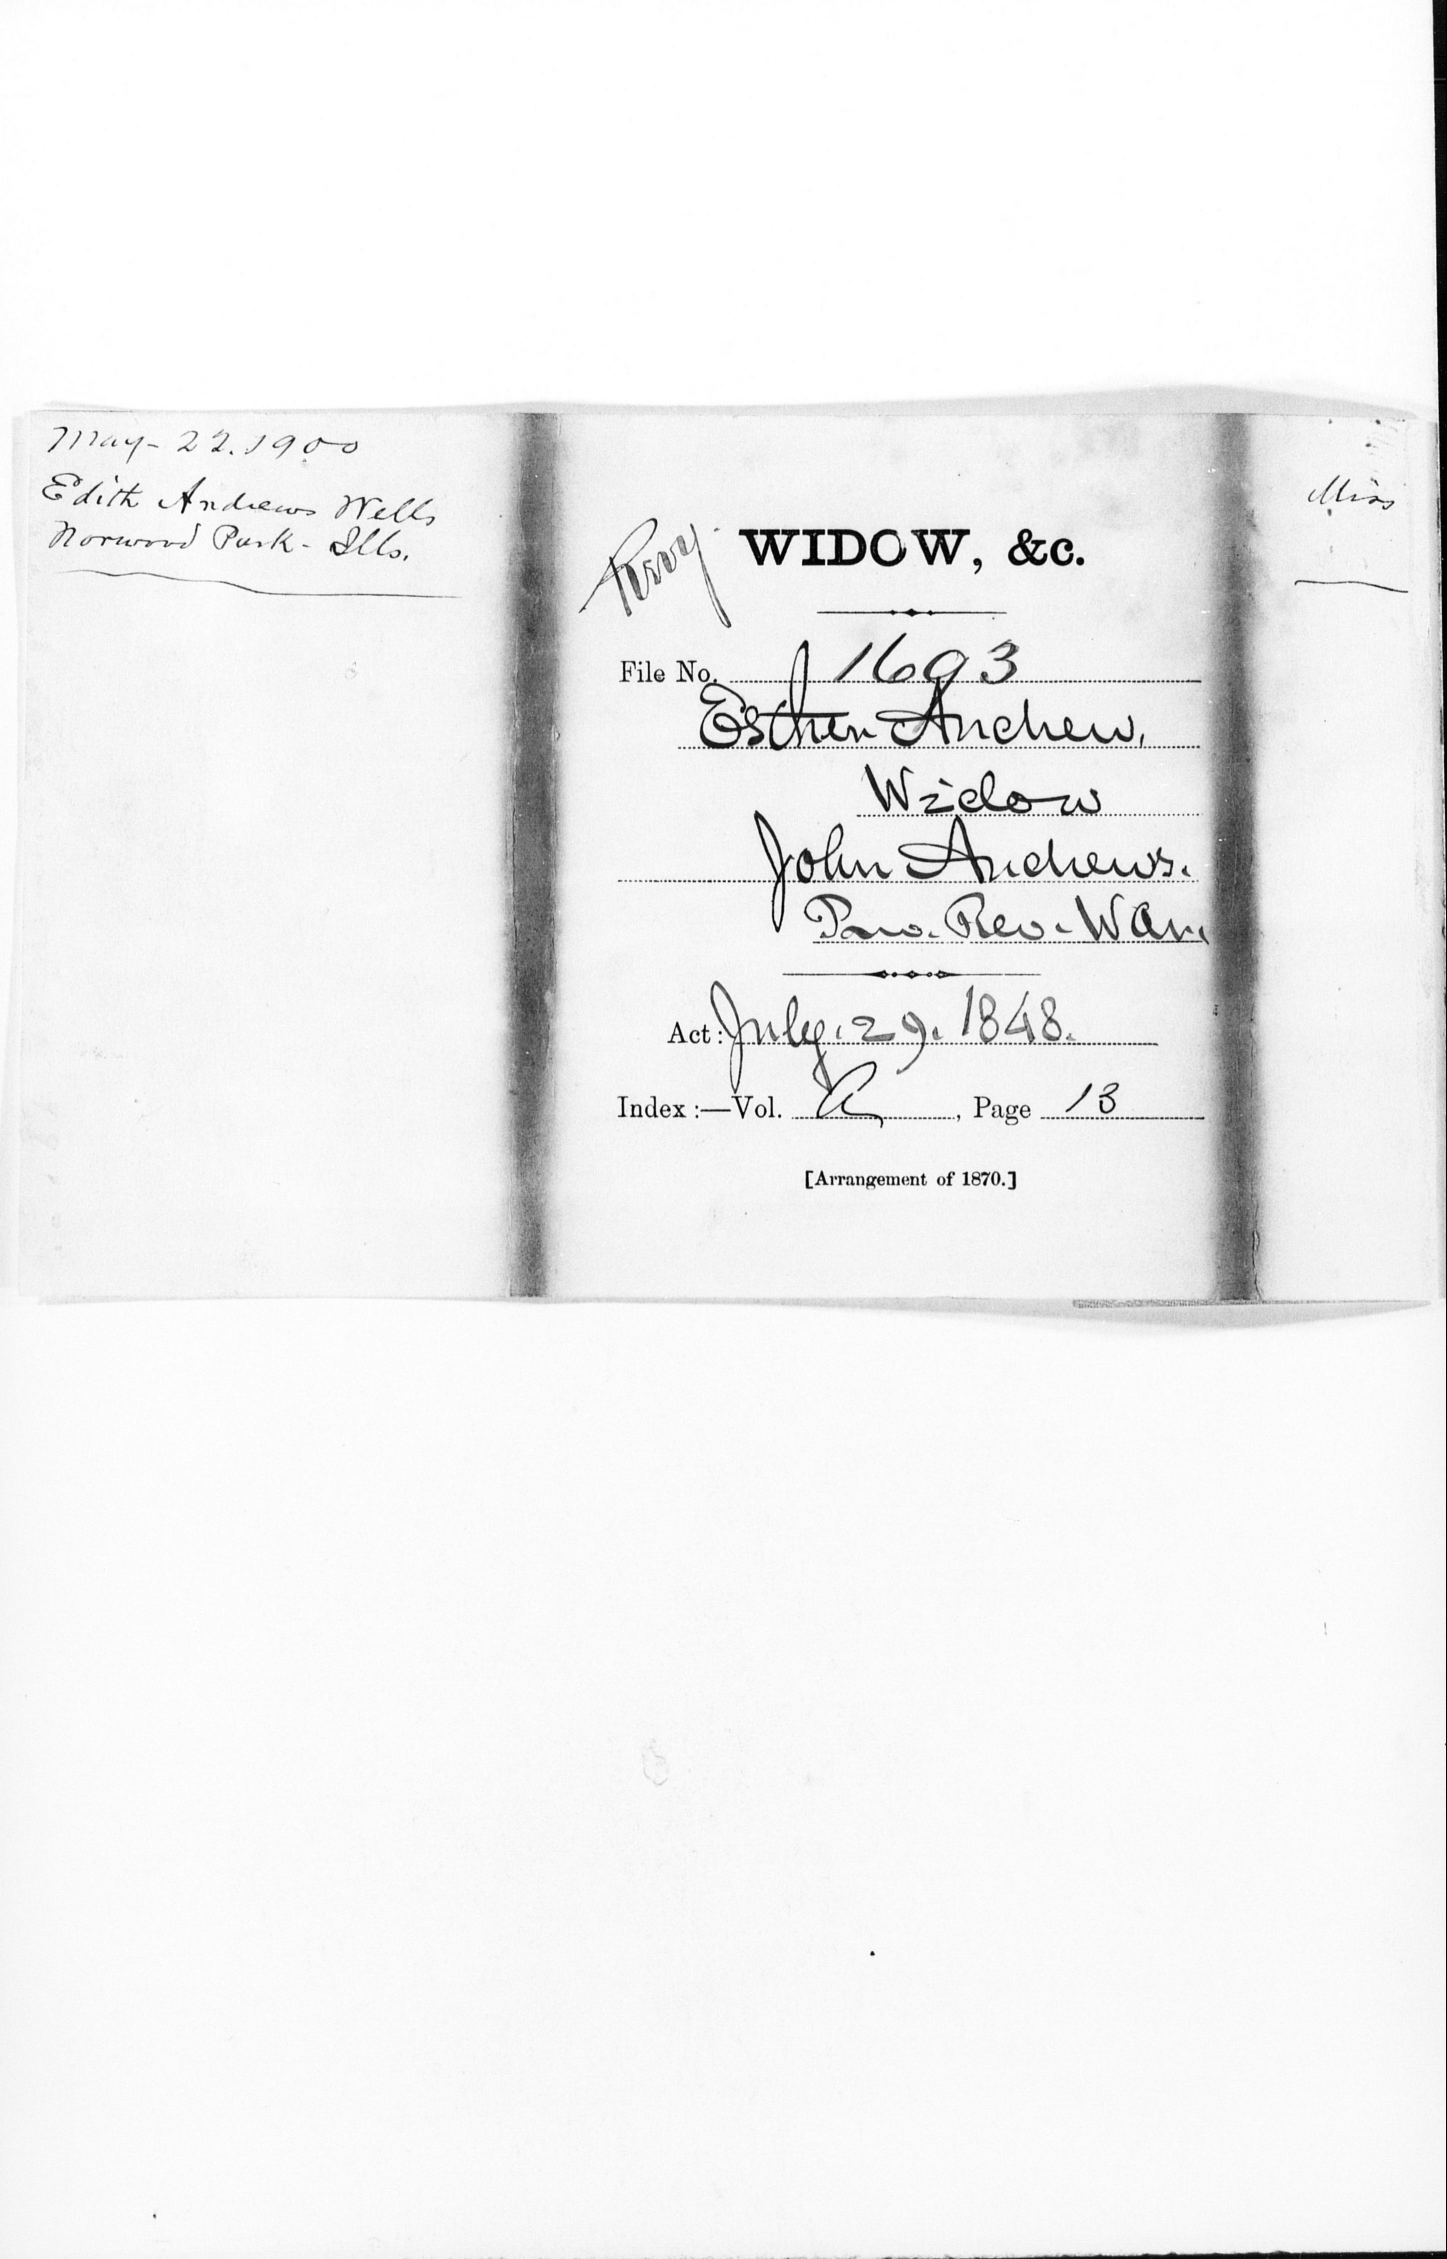May 22, 1900 
Edith Andrews Wells 
Norwood Park. Illo 

of WIDOW, &c. 

File No. 1693 
Esther Anchew, 
Widow 
John Andrews. 
Priv. Rev War --- 

Act July 29. 1848 
Index:--Vol A, Page 13 

[Arrangement of 1870.} Miss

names: Esther Andrew, John Andrews, Edith Andrews, Norwood Park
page: 16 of 23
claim: widow's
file: W. 1693, John Andrews, Mass.